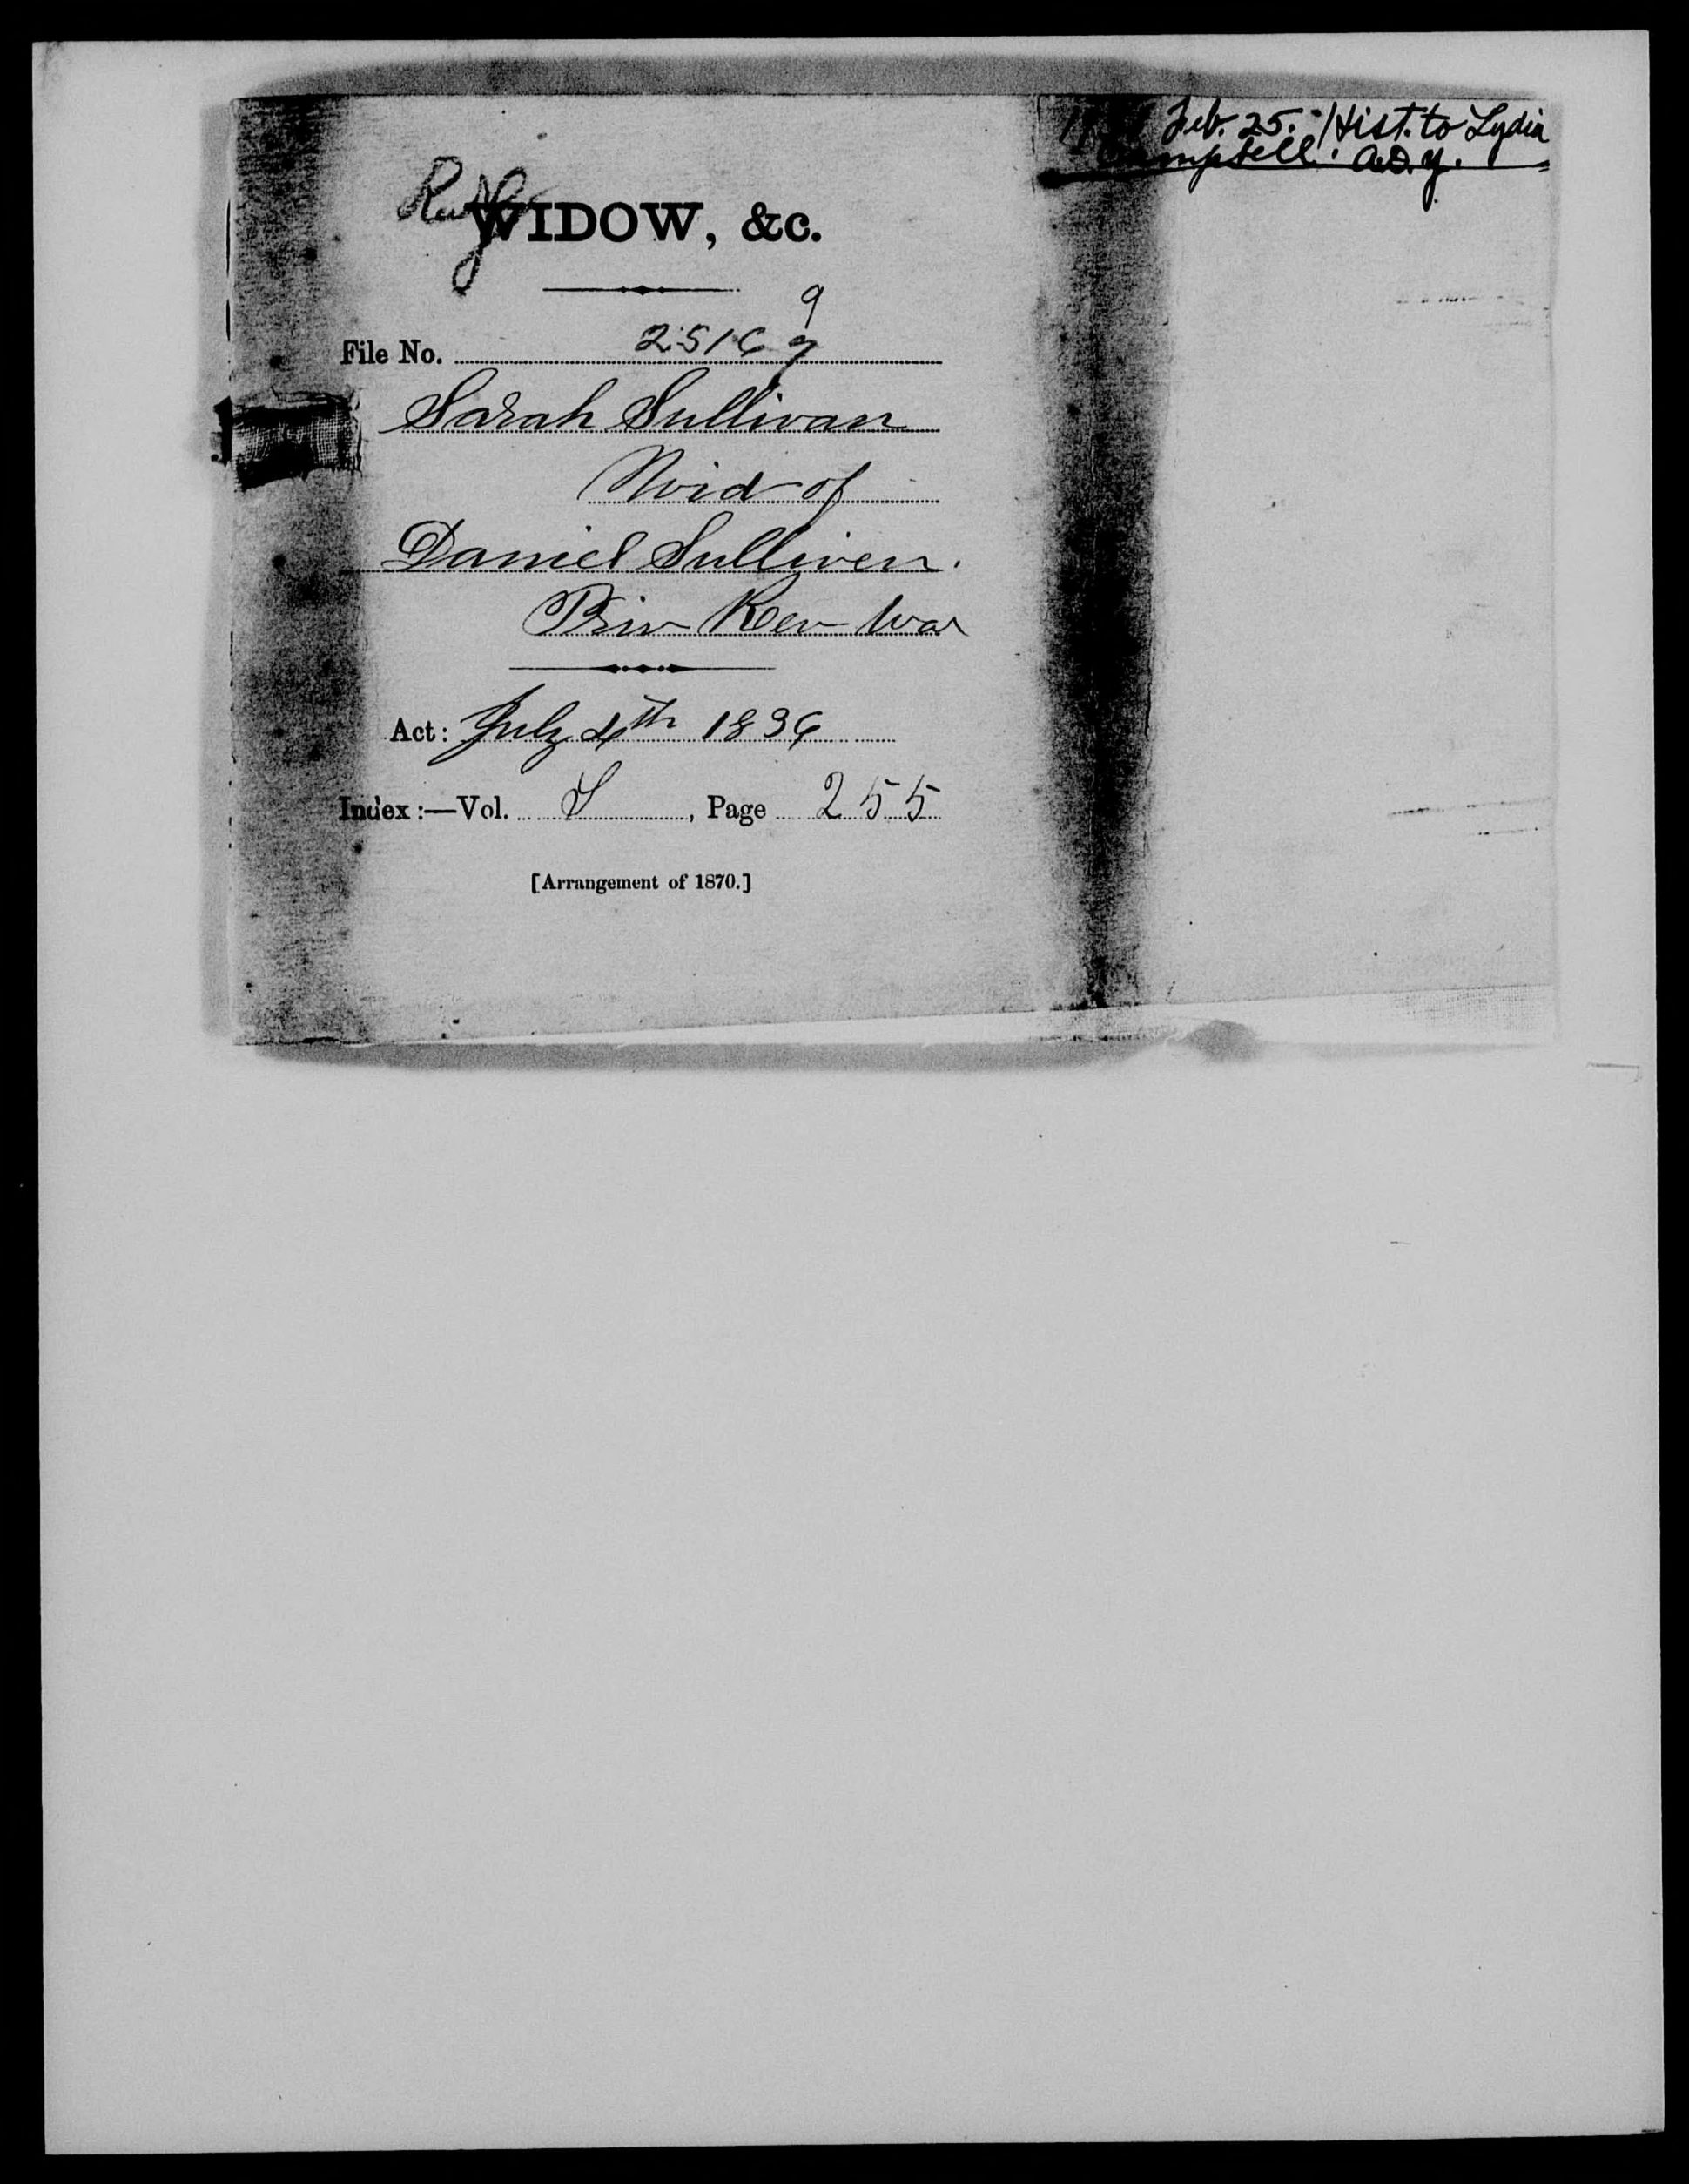[two panel page, left panel below]

Revy WIDOW, &c.

File No. 25169
Sarah Sullivan
Wid of
Daniel Sullivan
Priv Rev War
Act: July 4th 1836
Index:-Vol. L, Page 255
[Arrangement of 1870]

[right panel below]
1931 Feb. 25 Hist. to Lydia
Campbell. ADY.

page: 21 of 78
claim: widow's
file: W. 25,169, for Daniel Sullivan, Maryland